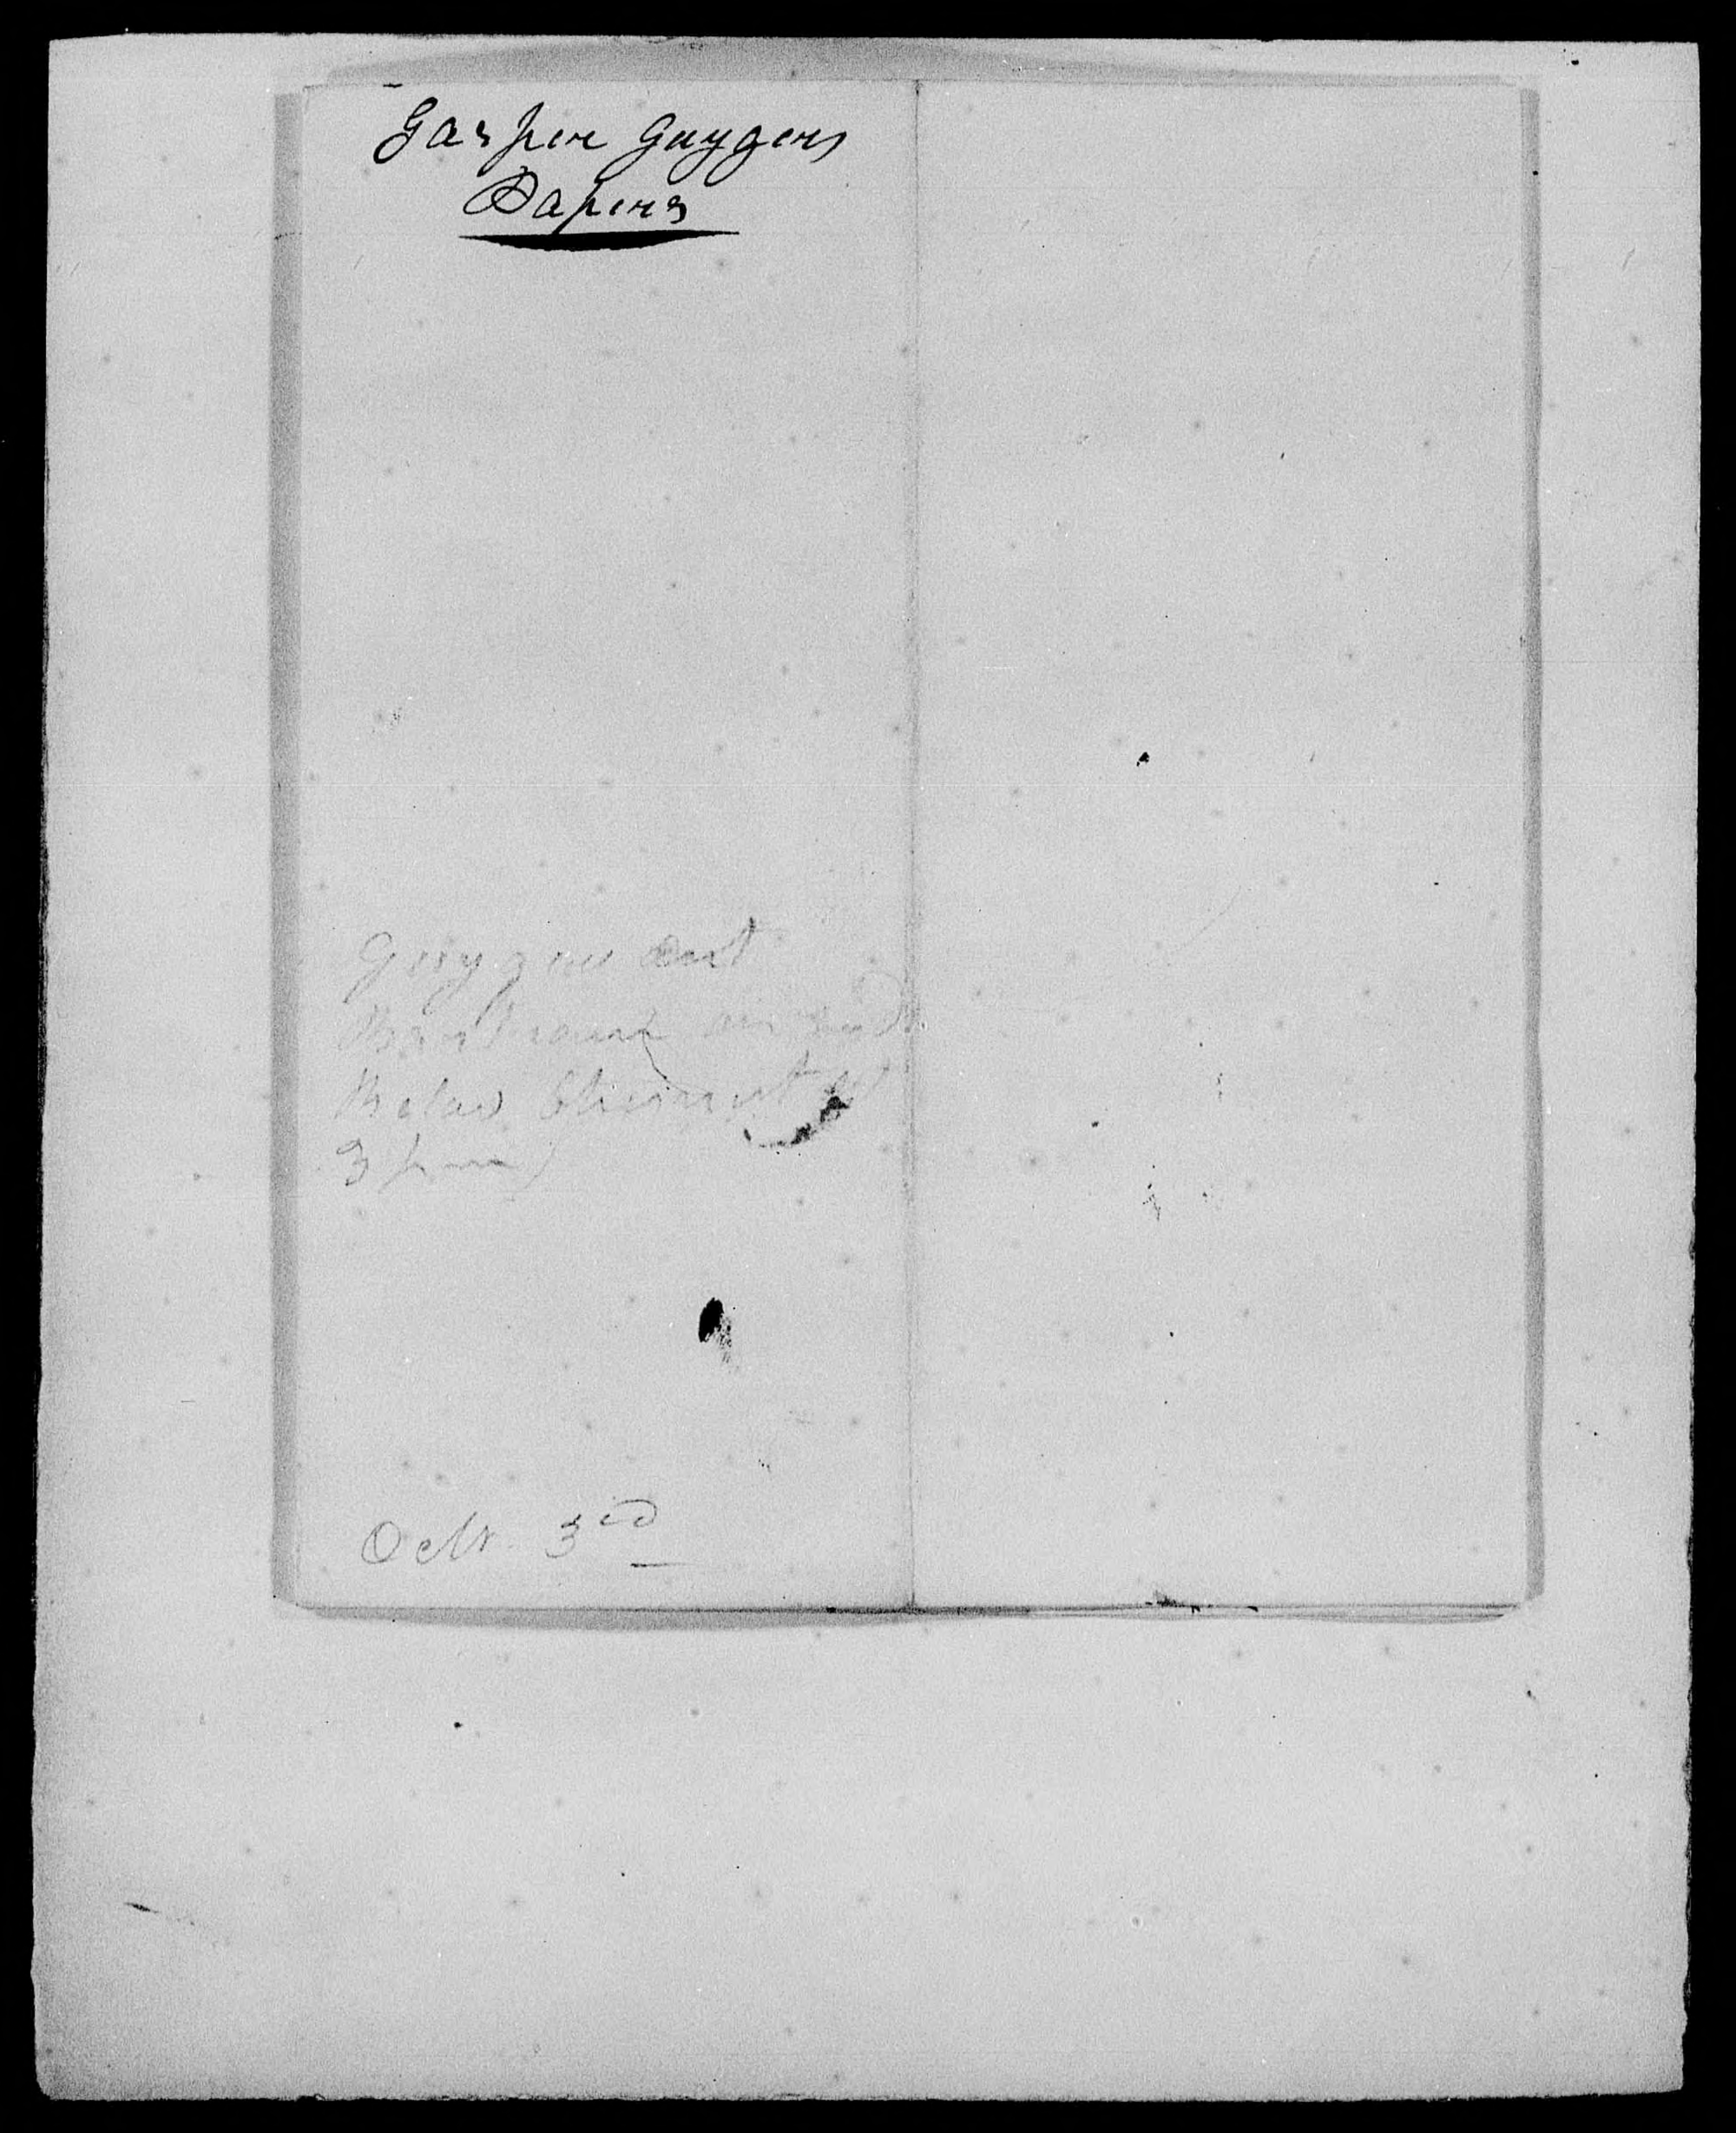Gasper Guygers
Papers

Guygers sent
Bartram and recd
Below Claimant  at
3 Jany

October 3rd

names: Guygers, Gasper Guygers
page: 2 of 5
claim: bounty land warrant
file: B.L.Wt. 1135-200, George Guyger, Penn.